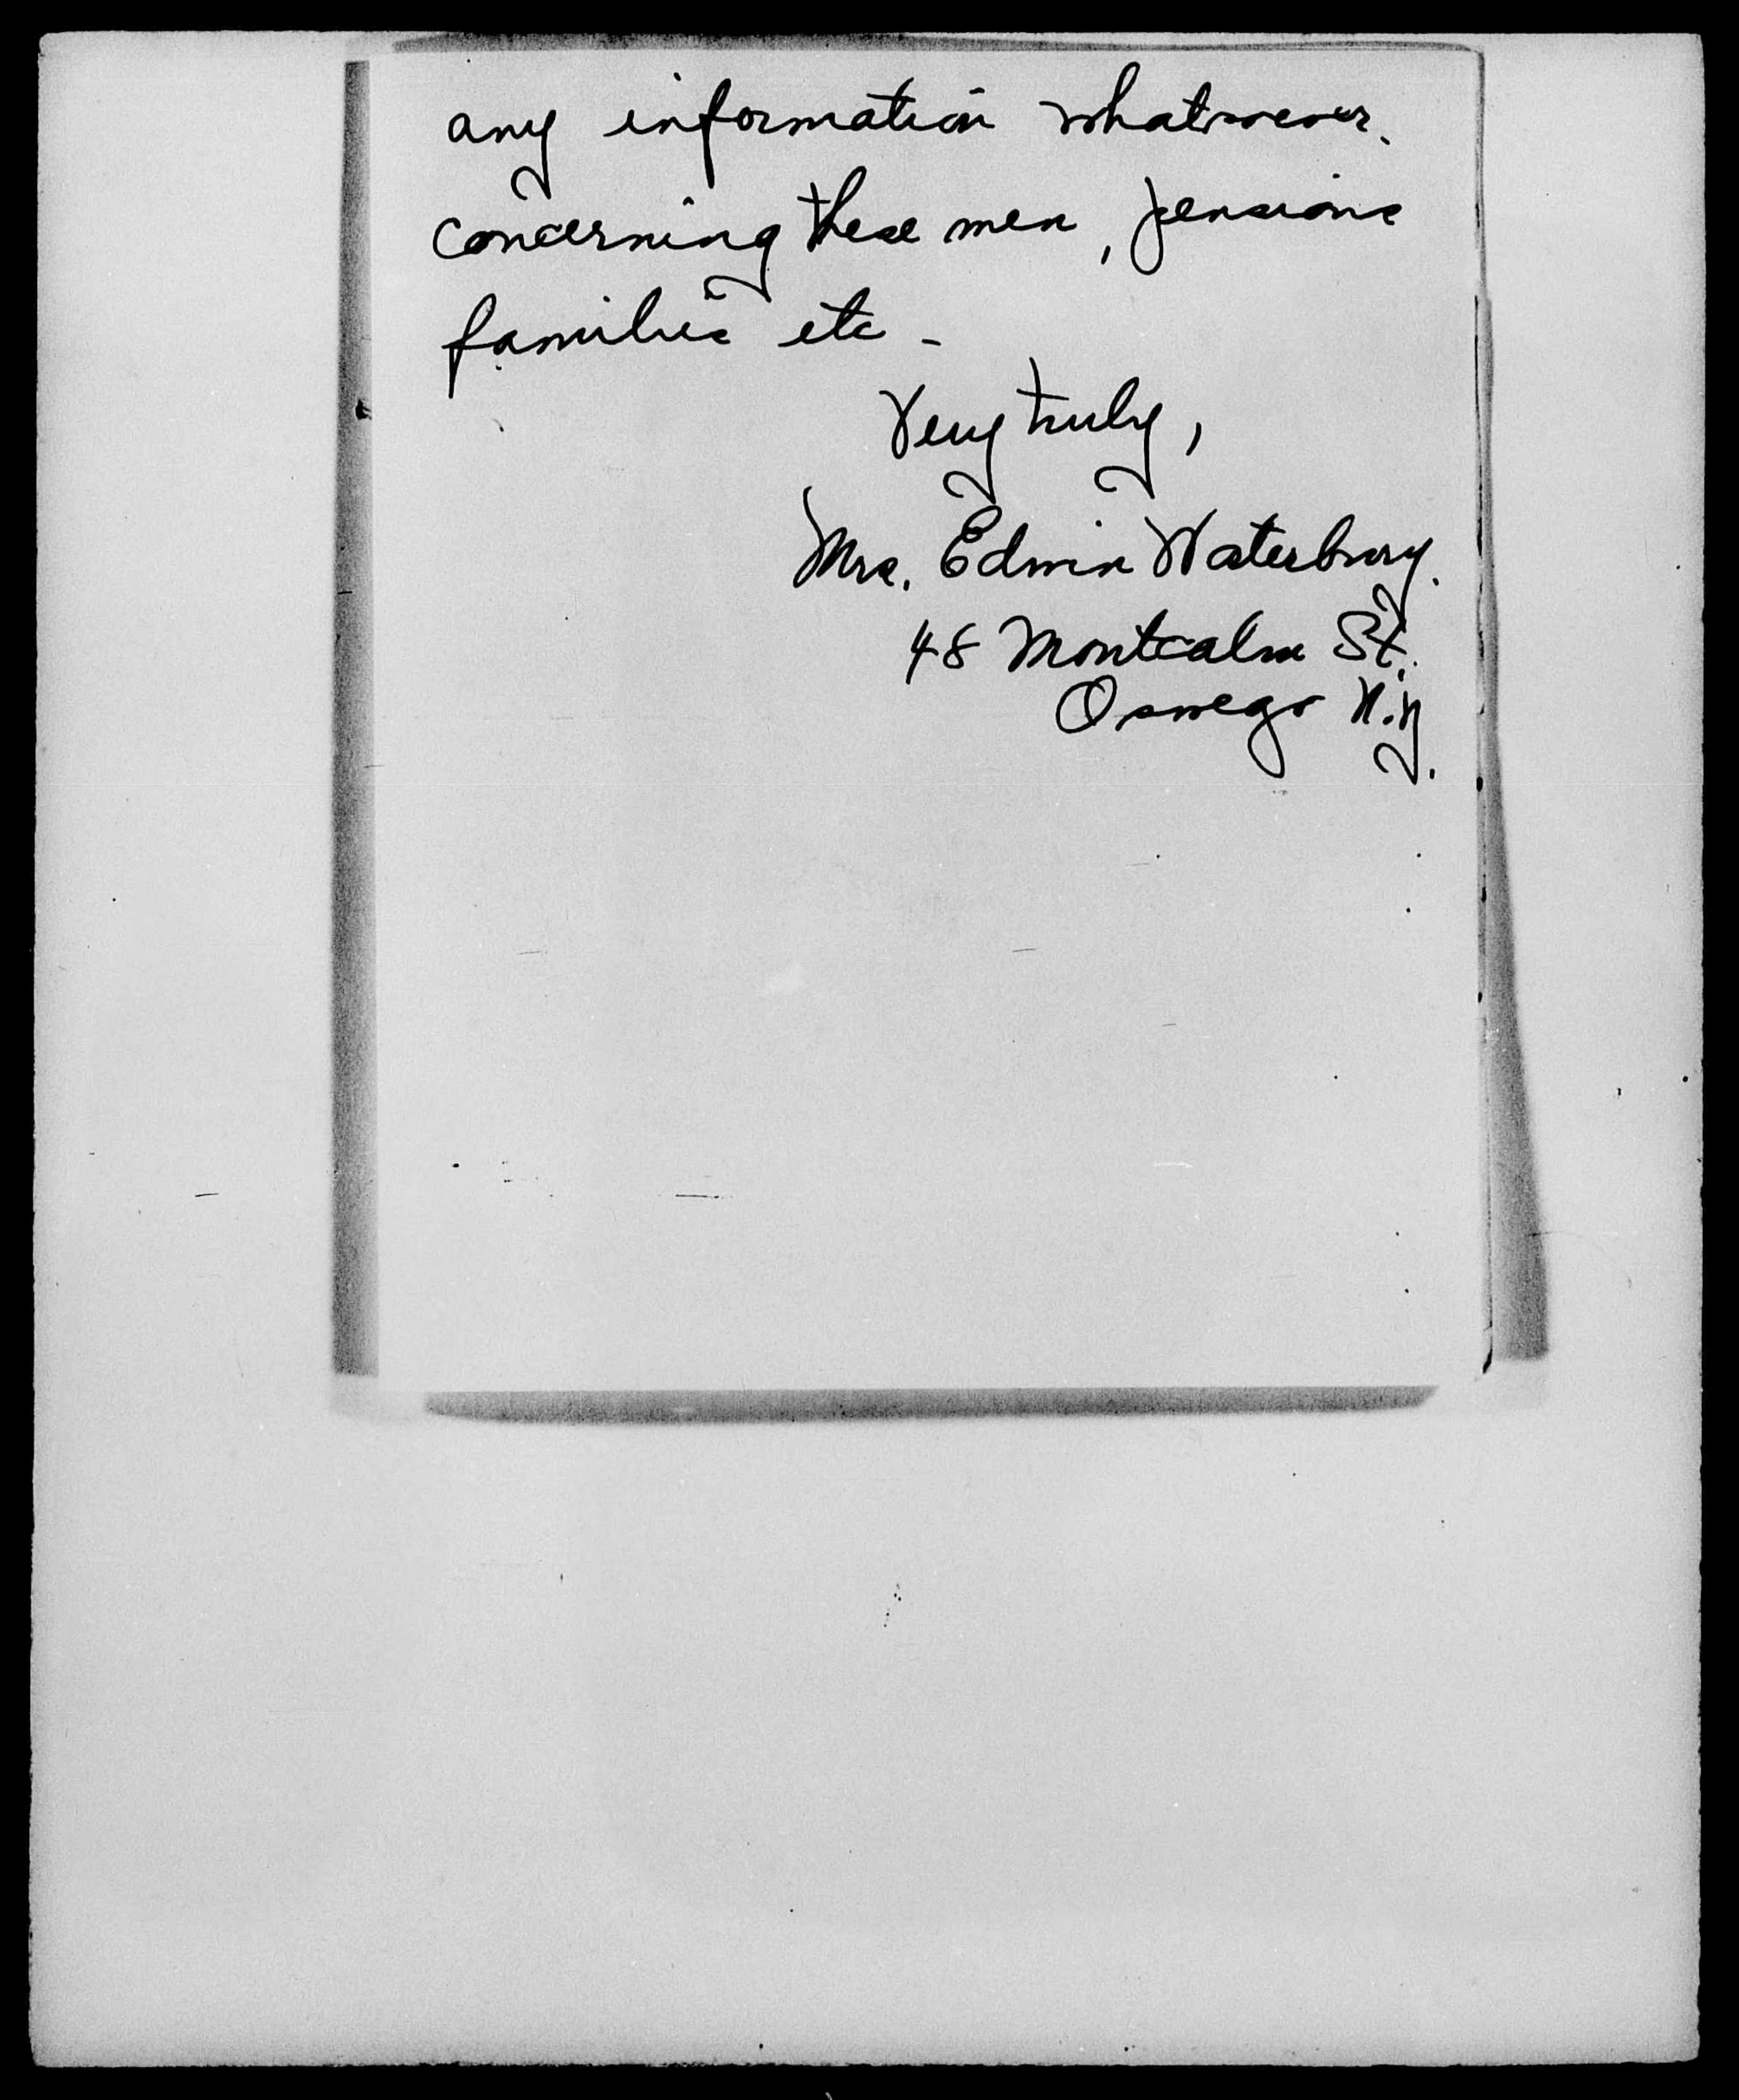any information whatever concerning these men, pensions families etc -
Very truly,
Mrs. Edwin Waterbury
48 Montcalm St.
Orange N.Y.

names: Edwin Waterbury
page: 35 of 47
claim: survivor's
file: S. 3,322, William Edwards, Va.